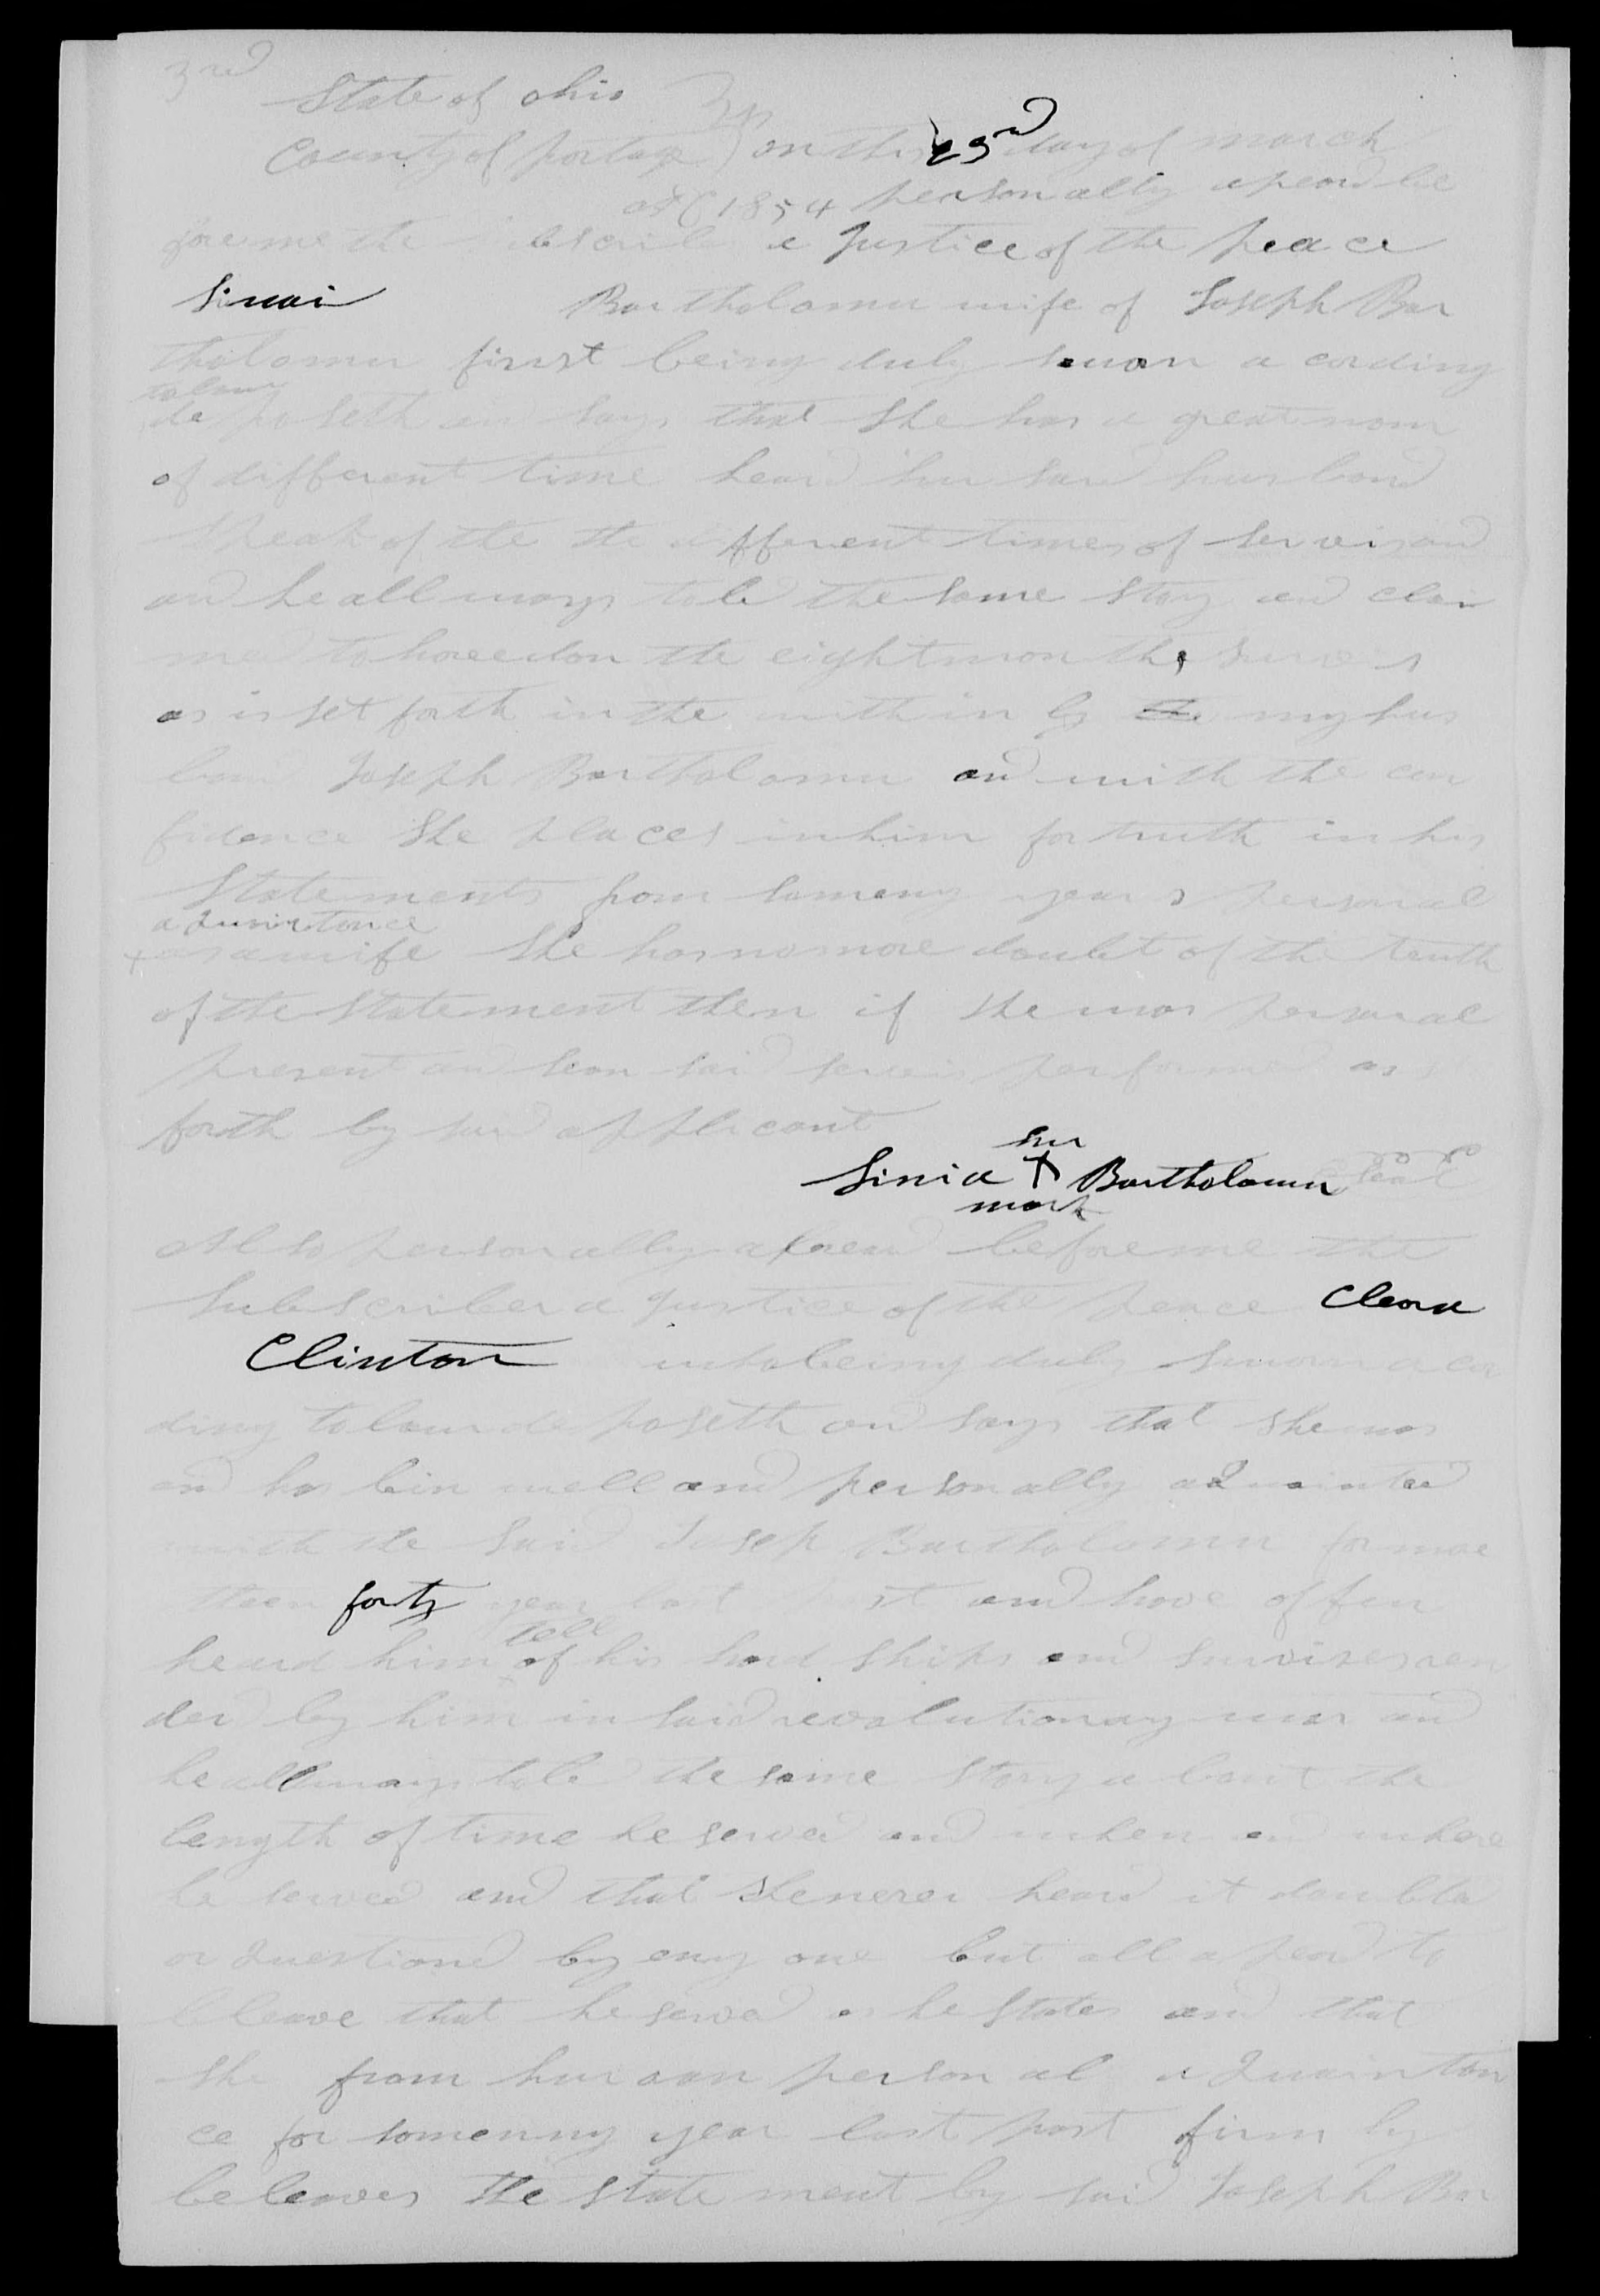State of Ohio
County of Portage on the 23rd day of March
1854 personally appeared before me the subscriber a Justice of the peace Sina Bartholomew wife of Joseph Bartholomew
that her first being duly sworn according to law
deposeth and say that she has a great number
of different time heard her said husband
speak of the the different times of Service and
and he all ways told the same story and claimed 
to have on the eight months served
as is set forth in the within by my hus-
band Joseph Bartholomew and with the con
fidence She place in him for truth in his
Statements from so many years personal
assistance as a wife She has no more doubt of the truth
of the statement than if She was personal
present and from said person performed as set
forth by said applicant
                                                        her
                                                Sina   X    Bartholomew
                                                      mark
Also personally appeared before me the
Subscriber Justice of the Peace Cleora
Clinton who being duly sworn ac-
cording to law poseth and says that she was
and has been well and personally aquainted
with the said Joseph Bartholomew for more
than forty year last past it and have often
heard him tell of his hardships and services re-
ndered by him in said revolutionary war and
he always told the same story about the
length of time he served and where and when
he served and that She never heard it doubted
or questioned by any one but all appear to
believe that he served as he states and that
she from her own personal aquaintance
for some many years last past firmly 
believes the statement by said Joseph Bar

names: Cleora Clinton, Sinia Bartholomew, Sinai Bartholomew, Joseph Bartholomew, Joseph, Joseph Bartholomew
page: 62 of 76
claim: widow's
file: W. 9345, Joseph Bartholomew, Conn.